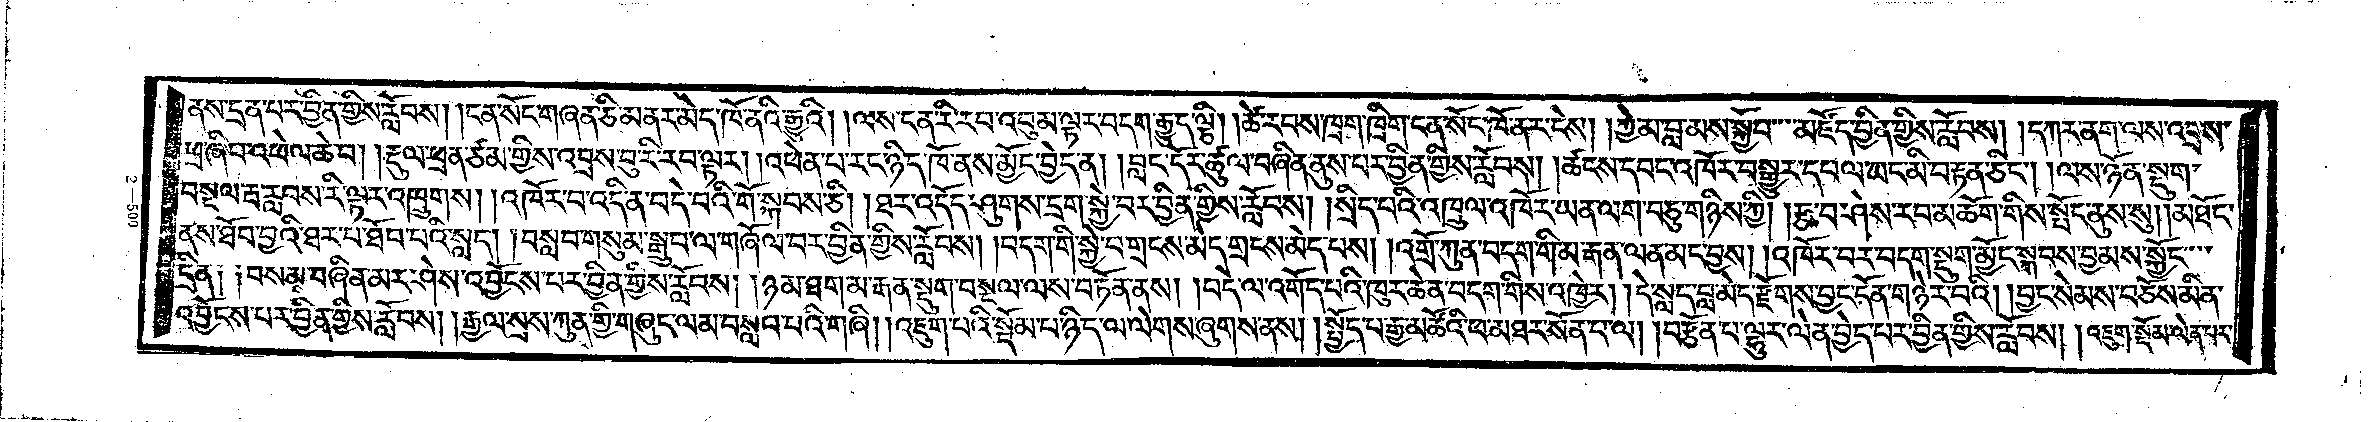ནས་དྲན་པར་བྱིན་གྱིས་རློབས། །ངན་སོང་གཞན་ཅི་མནར་མེད་ཁོ་ནའི་རྒྱུའི། །ལས་ངན་རི་རབ་འབུམ་ལྟར་བདག་རྒྱུད་ལྕི། །ཚེ་རབས་ཁྲག་ཁྲིག་ངན་སོང་ཁོ་ནར་ངེས། །ཀྱེ་མ་བླ་མས་སྐྱོབ་མཛོད་བྱིན་གྱིས་རློབས། །དཀར་ནག་ལས་འབྲས་
ཕྲ་ཞི་བ་འཕེལ་ཆེ་བ། །རྡུལ་ཕྲན་ཙམ་གྱིས་འབྲས་བུ་རི་རབ་ལྟར། །འཕེན་པ་རང་ཉིད་ཁོ་ནས་མྱོང་བྱེད་ན། །བླང་དོར་ཚུལ་བཞིན་ནུས་པར་བྱིན་གྱིས་རློབས། །ཚངས་དབང་འཁོར་བསྒྱུར་དཔལ་ཡང་མི་བརྟན་ཅིང་། །ལས་ཉོན་སྡུག་
བསྔལ་རྦ་རླབས་རི་ལྟར་འཁྲུགས། །འཁོར་བ་འདི་ན་བདེ་བའི་གོ་སྐབས་ཅི། །ཐར་འདོད་ཤུགས་དྲག་སྐྱེ་བར་བྱིན་གྱིས་རློབས། །སྲིད་པའི་འཁྲུལ་འཁོར་ཡན་ལག་བཅུ་གཉིས་ཀྱི། །རྩ་བ་ཤེས་རབ་མཆོག་གིས་སྤོང་ནུས་སུ། །མཐོང་
ནས་ཐོབ་བྱའི་ཐར་པ་ཐོབ་པའི་སླད། །བསླབ་གསུམ་སྒྲུབ་ལ་གཞོལ་བར་བྱིན་གྱིས་རློབས། །བདག་གི་སྐྱེ་བ་གྲངས་མེད་གྲངས་མེད་པས། །འགྲོ་ཀུན་བདག་གི་མ་རྒན་ལན་མང་བྱས། །འཁོར་བར་བདག་སྡུག་མྱོང་སྐབས་བྱམས་སྐྱོང་
དྲིན༑ ༑བསམས་བཞིན་མར་ཤེས་འབྱོངས་པར་བྱིན་གྱིས་རློབས། །ཉམ་ཐག་མ་རྒན་སྡུག་བསྔལ་ལས་བཏོན་ནས། །བདེ་ལ་འགོད་པའི་ཁུར་ཆེན་བདག་གིས་འཁྱེར། །དེ་སླད་བླ་མེད་རྫོགས་བྱང་དོན་གཉེར་བའི། །བྱང་སེམས་བཅོས་མིན་
འབྱོངས་པར་བྱིན་གྱིས་རློབས། །རྒྱལ་སྲས་ཀུན་གྱི་གཞུང་ལམ་བསླབ་པའི་གཞི། །འཇུག་པའི་སྡོམ་པ་ཉིད་ལ་ལེགས་ཞུགས་ནས། །སྤྱོད་པ་རྒྱ་མཚོའི་ཕ་མཐར་སོན་པ་ལ། །བརྩོན་པ་ལྷུར་ལེན་བྱེད་པར་བྱིན་གྱིས་རློབས། །འཇུག་སྡོམ་ལེན་པར་